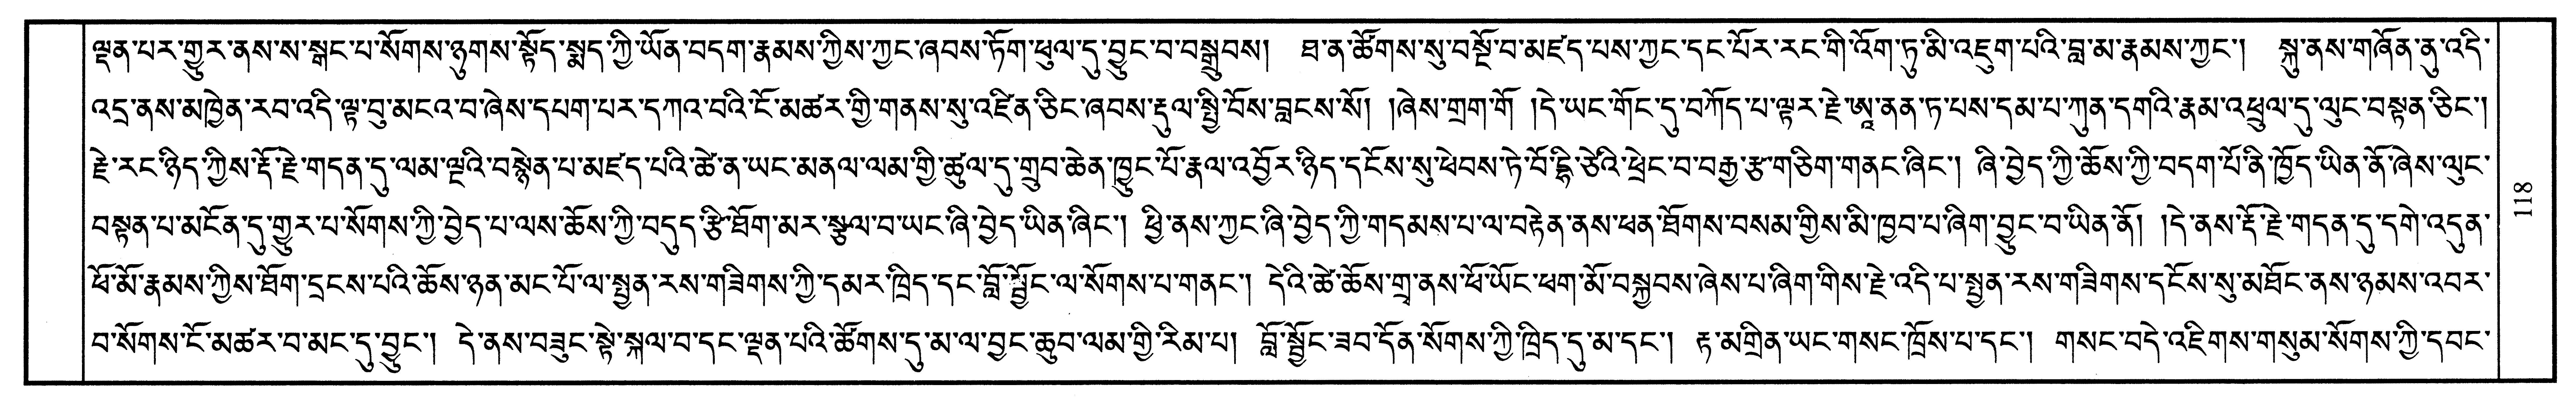ལྡན་པར་གྱུར་ནས་ས་སྒང་པ་སོགས་ཉུགས་སྟོད་སྨད་ཀྱི་ཡོན་བདག་རྣམས་ཀྱིས་ཀྱང་ཞབས་ཏོག་ཕུལ་དུ་བྱུང་བ་བསྒྲུབས། ཐ་ན་ཚོགས་སུ་བསྔོ་བ་མཛད་པས་ཀྱང་དང་པོར་རང་གི་འོག་ཏུ་མི་འཇུག་པའི་བླ་མ་རྣམས་ཀྱང་། སྐུ་ནས་གཞོན་ནུ་འདི་
འདྲ་ནས་མཁྱེན་རབ་འདི་ལྟ་བུ་མངའ་བ་ཞེས་དཔག་པར་དཀའ་བའི་ངོ་མཚར་གྱི་གནས་སུ་འཛིན་ཅིང་ཞབས་རྡུལ་སྤྱི་བོས་བླངས་སོ། །ཞེས་གྲག་གོ །དེ་ཡང་གོང་དུ་བཀོད་པ་ལྟར་རྗེ་ཨཱ་ནན་ཏ་པས་དམ་པ་ཀུན་དགའི་རྣམ་འཕྲུལ་དུ་ལུང་བསྟན་ཅིང་།
རྗེ་རང་ཉིད་ཀྱིས་རྡོ་རྗེ་གདན་དུ་ལམ་ལྔའི་བསྙེན་པ་མཛད་པའི་ཚེ་ན་ཡང་མནལ་ལམ་གྱི་ཚུལ་དུ་གྲུབ་ཆེན་ཁྱུང་པོ་རྣལ་འབྱོར་ཉིད་དངོས་སུ་ཕེབས་ཏེ་བོ་དྷི་ཙེའི་ཕྲེང་བ་བརྒྱ་རྩ་གཅིག་གནང་ཞིང་། ཞི་བྱེད་ཀྱི་ཆོས་ཀྱི་བདག་པོ་ནི་ཁྱོད་ཡིན་ནོ་ཞེས་ལུང་
བསྟན་པ་མངོན་དུ་གྱུར་པ་སོགས་ཀྱི་བྱེད་པ་ལས་ཆོས་ཀྱི་བདུད་རྩི་ཐོག་མར་སྩལ་བ་ཡང་ཞི་བྱེད་ཡིན་ཞིང་། ཕྱི་ནས་ཀྱང་ཞི་བྱེད་ཀྱི་གདམས་པ་ལ་བརྟེན་ནས་ཕན་ཐོགས་བསམ་གྱིས་མི་ཁྱབ་པ་ཞིག་བྱུང་བ་ཡིན་ནོ། །དེ་ནས་རྡོ་རྗེ་གདན་དུ་དགེ་འདུན་
ཕོ་མོ་རྣམས་ཀྱིས་ཐོག་དྲངས་པའི་ཆོས་ཉན་མང་པོ་ལ་སྤྱན་རས་གཟིགས་ཀྱི་དམར་ཁྲིད་དང་བློ་སྦྱོང་ལ་སོགས་པ་གནང་། དེའི་ཚེ་ཆོས་གྲྭ་ནས་ཕོ་ཡོང་ཕག་མོ་བསྐྱབས་ཞེས་པ་ཞིག་གིས་རྗེ་འདི་པ་སྤྱན་རས་གཟིགས་དངོས་སུ་མཐོང་ནས་ཉམས་འབར་
བ་སོགས་ངོ་མཚར་བ་མང་དུ་བྱུང་། དེ་ནས་བཟུང་སྟེ་སྐལ་བ་དང་ལྡན་པའི་ཚོགས་དུ་མ་ལ་བྱང་ཆུབ་ལམ་གྱི་རིམ་པ། བློ་སྦྱོང་ཟབ་དོན་སོགས་ཀྱི་ཁྲིད་དུ་མ་དང་། རྟ་མགྲིན་ཡང་གསང་ཁྲོས་པ་དང་། གསང་བདེ་འཇིགས་གསུམ་སོགས་ཀྱི་དབང་